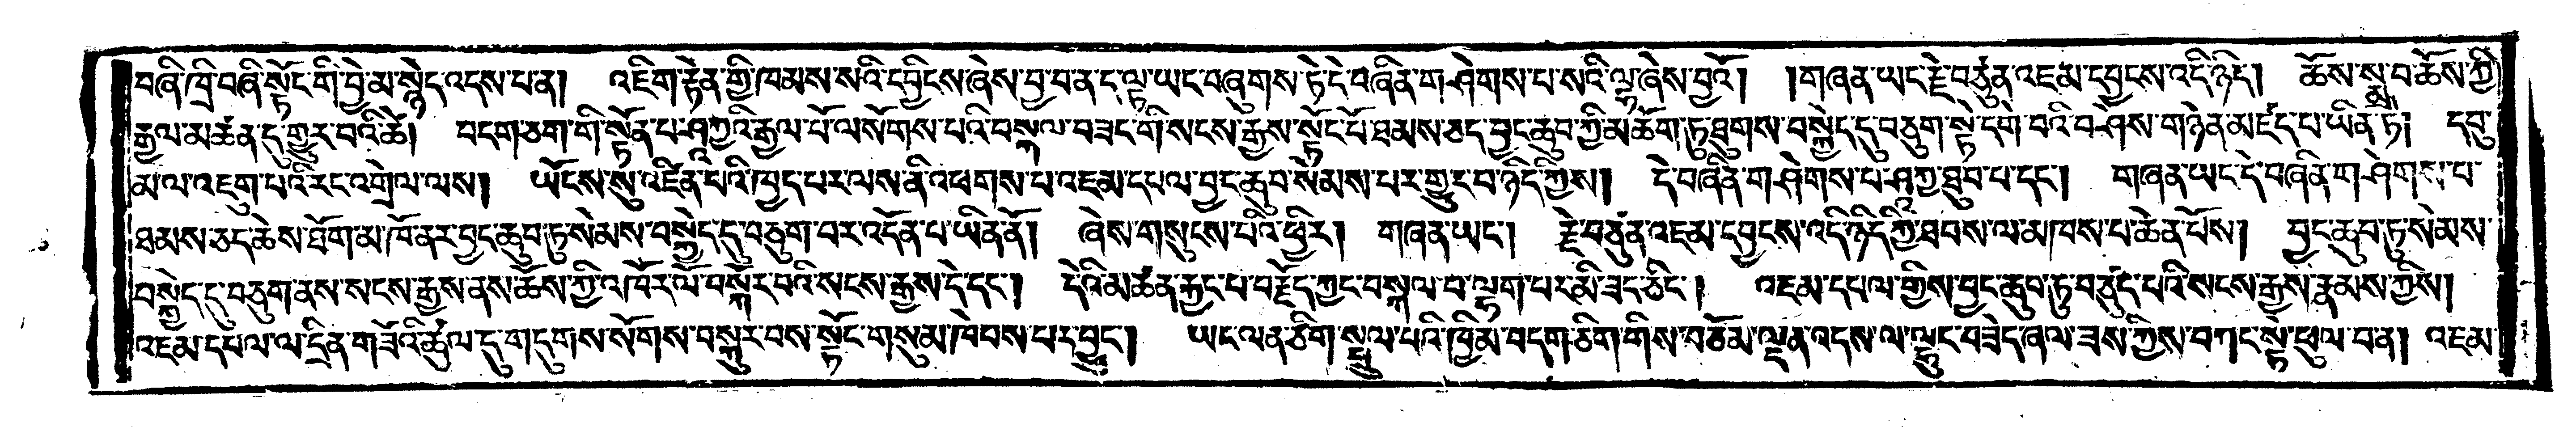བཞི་ཁྲི་བཞི་སྟོང་གི་བྱེ་མ་སྙེད་འདས་པ་ན། འཇིག་རྟེན་གྱི་ཁམས་སའི་དབྱིངས་ཞེས་བྱ་བ་ན་ད་ལྟ་ཡང་བཞུགས་ཏེ་དེ་བཞིན་གཤེགས་པ་སའི་ལྷ་ཞེས་བྱའོ། །གཞན་ཡང་རྗེ་བཙུན་འཇམ་དབྱངས་འདི་ཉིད། ཆོས་སྨྲ་བ་ཆོས་ཀྱི།
རྒྱལ་མཚན་དུ་གྱུར་བའི་ཚེ། བདག་ཅག་གི་སྟོན་པ་ཤཱཀྱའི་རྒྱལ་པོ་ལ་སོགས་པའི་བསྐལ་བཟང་གི་སངས་རྒྱས་སྟོང་པོ་ཐམས་ཅད་བྱང་ཆུབ་ཀྱི་མཆོག་ཏུ་ཐུགས་བསྐྱེད་དུ་བཅུག་སྟེ་དགེ་བའི་བཤེས་གཉེན་མཛད་པ་ཡིན་ཏེ། དབུ་
མ་ལ་འཇུག་པའི་རང་འགྲེལ་ལས། ཡོངས་སུ་འཛིན་པའི་ཁྱད་པར་ལས་ནི་འཕགས་པ་འཇམ་དཔལ་བྱང་ཆུབ་སེམས་པར་འགྱུར་བ་ཉིད་ཀྱིས། དེ་བཞིན་གཤེགས་པ་ཤཱཀྱ་ཐུབ་པ་དང་། གཞན་ཡང་དེ་བཞིན་གཤེགས་པ་
ཐམས་ཅད་ཆེས་ཐོག་མ་ཁོ་ནར་བྱང་ཆུབ་ཏུ་སེམས་བསྐྱེད་དུ་བཅུག་བར་འདོན་པ་ཡིན་ནོ། ཞེས་གསུངས་པའི་ཕྱིར། གཞན་ཡང་། རྗེ་བཙུན་འཇམ་དབྱངས་འདི་ཉིད་ཀྱི་ཐབས་ལ་མཁས་པ་ཆེན་པོས། བྱང་ཆུབ་ཏུ་སེམས་
བསྐྱེད་དུ་བཅུག་ནས་སངས་རྒྱས་ནས་ཆོས་ཀྱི་འཁོར་ལོ་བསྐོར་བའི་སངས་རྒྱས་དེ་དང་། དེའི་མཚན་རྐྱང་པ་བརྗོད་ཀྱང་བསྐལ་བ་ལྷག་པར་མི་ཟད་ཅིང་། འཇམ་དཔལ་གྱིས་བྱང་ཆུབ་ཏུ་བཙུད་པའི་སངས་རྒྱས་རྣམས་ཀྱིས།
འཇམ་དཔལ་ལ་དྲིན་གཟོའི་ཚུལ་དུ་གདུགས་སོགས་བསྐུར་བས་སྟོང་གསུམ་ཁེབས་པར་བྱུང་། ཡང་ལན་ཅིག་སྤྲུལ་པའི་ཁྱིམ་བདག་ཅིག་གིས་བཅོམ་ལྡན་འདས་ལ་ལྷུང་བཟེད་ཞལ་ཟས་ཀྱིས་བཀང་སྟེ་ཕུལ་བ་ན། འཇམ་